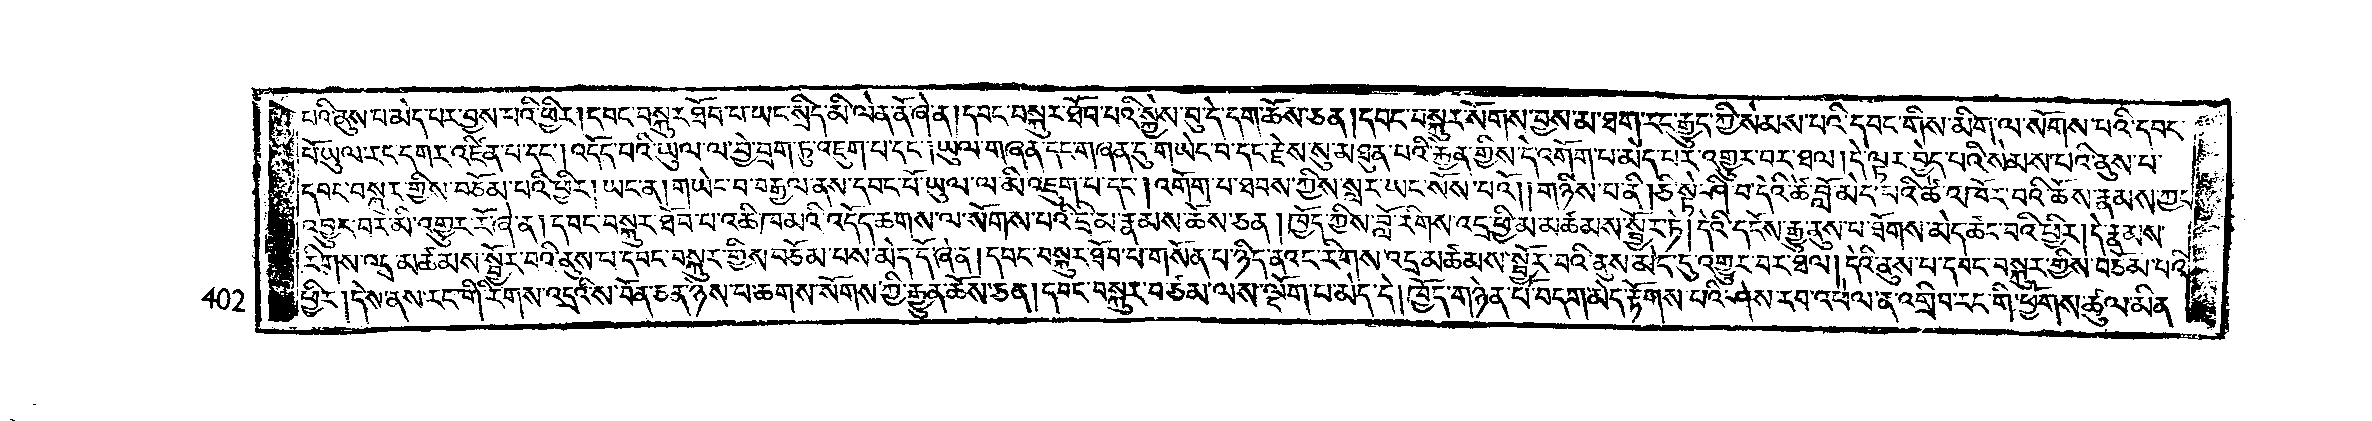པའི་ནུས་པ་མེད་པར་བྱས་པའི་ཕྱིར། དབང་བསྐུར་ཐོབ་པ་ཡང་སྲིད་མི་ལེན་ནོ་ཞེ་ན། དབང་བསྐུར་ཐོབ་པའི་སྐྱེས་བུ་དེ་དག་ཆོས་ཅན། དབང་བསྐུར་སོགས་བྱས་མ་ཐག་རང་རྒྱུད་ཀྱི་སེམས་པའི་དབང་གིས་མིག་ལ་སོགས་པའི་དབང་
པོ་ཡུལ་རང་དགར་འཛིན་པ་དང་། འདོད་པའི་ཡུལ་ལ་བྱེ་བྲག་ཏུ་འཇུག་པ་དང་། ཡུལ་གཞན་དང་གཞན་དུ་གཡེང་བ་དང་རྗེས་སུ་མཐུན་པའི་རྐྱེན་གྱིས་དེ་འགོག་པ་མེད་པར་འགྱུར་བར་ཐལ། དེ་ལྟར་བྱེད་པའི་སེམས་པའི་ནུས་པ་
དབང་བསྐུར་གྱིས་བཅོམ་པའི་ཕྱིར། ཡང་ན། གཡེང་བ་བརྒྱལ་ནས་དབང་པོ་ཡུལ་ལ་མི་འཇུག་པ་དང་། འགོག་པ་ཐབས་ཀྱིས་སླར་ཡང་སོས་པའོ། །གཉིས་པ་ནི། ཅི་སྟེ་ཤི་བ་དེའི་ཚེ་བློ་མེད་པའི་ཚེ་འཁོར་བའི་ཆོས་རྣམས་ཀྱང་
འབྱུང་བར་མི་འགྱུར་རོ་ཞེ་ན། དབང་བསྐུར་ཐོབ་པ་འཆི་ཁ་མའི་འདོད་ཆགས་ལ་སོགས་པའི་དྲི་མ་རྣམས་ཆོས་ཅན། ཁྱོད་ཀྱིས་བློ་རིགས་འདྲ་ཕྱི་མ་མཚམས་སྦྱོར་ཏེ། དེའི་དངོས་རྒྱུ་ནུས་པ་ཐོགས་མེད་ཚང་བའི་ཕྱིར། དེ་རྣམས་
རིགས་འདྲ་མཚམས་སྦྱོར་བའི་ནུས་པ་དབང་བསྐུར་གྱིས་བཅོམ་པས་མེད་དོ་ཞེ་ན། དབང་བསྐུར་ཐོབ་པ་གསོན་པ་ཉིད་ནའང་རིགས་འདྲ་མཚམས་སྦྱོར་བའི་ནུས་མེད་དུ་འགྱུར་བར་ཐལ། དེའི་ནུས་པ་དབང་བསྐུར་གྱིས་བཅོམ་པའི་
ཕྱིར། དེས་ནས་རང་གི་རིགས་འདྲའི་ས་བོན་ཅན་ཉེས་པ་ཆགས་སོགས་ཀྱི་རྒྱུན་ཆོས་ཅན། དབང་བསྐུར་བ་ཙམ་ལས་ལྡོག་པ་མེད་དེ། ཁྱོད་གཉེན་པོ་བདག་མེད་རྟོགས་པའི་ཤེས་རབ་འཕེལ་ན་འགྲིབ་རང་གི་ཕྱོགས་ཚུལ་?་མིན་